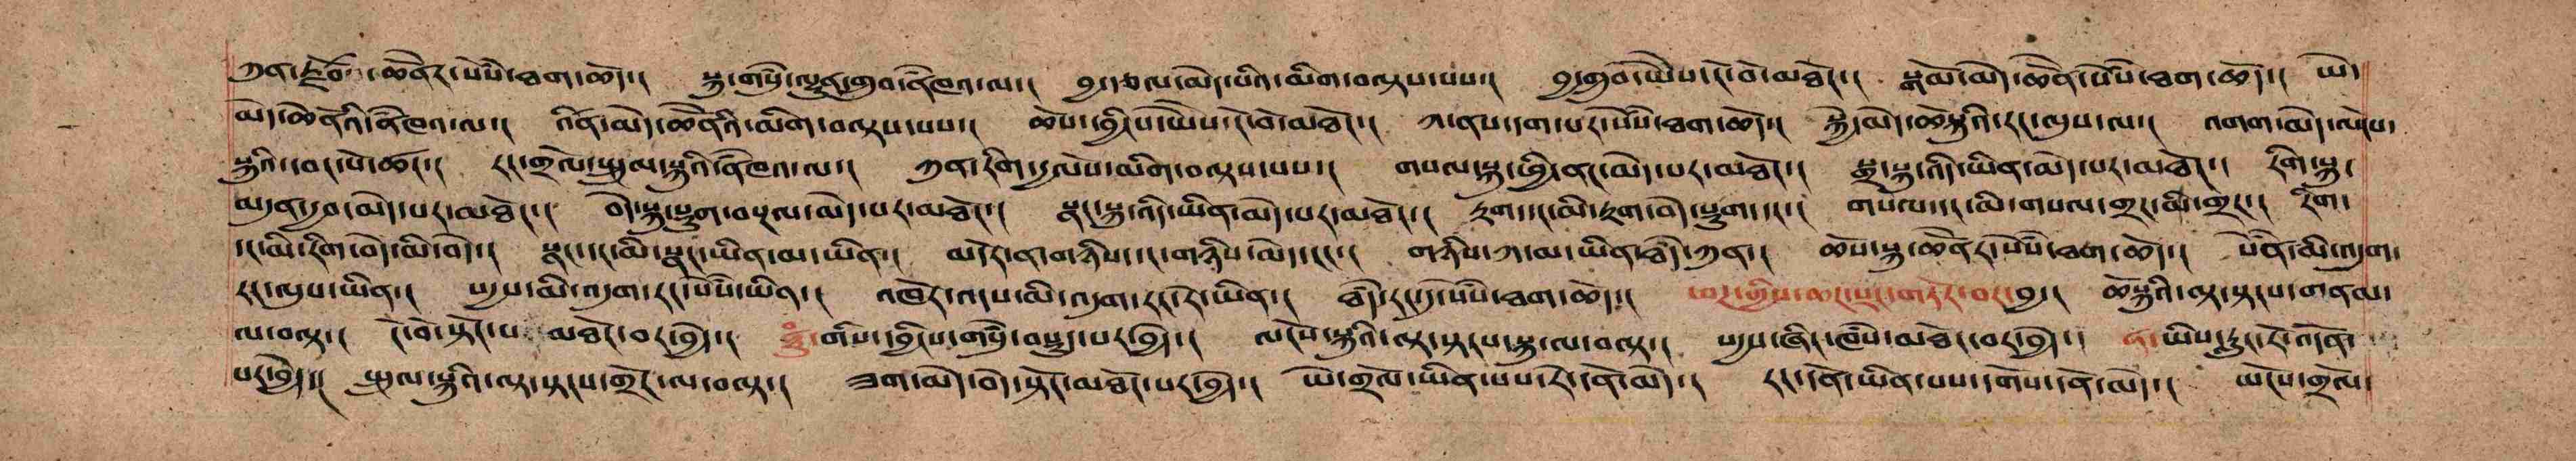ཀུན་རྫོབ་ཆེན་པོར་སེམས་ཐག་ཆོད།། སྐུ་གསུམ་ལྷུན་གྲུབ་ནམ་མཁའ་ལ།། བྱ་བརྩལ་མེད་པའི་མིག་བལྟས་པས།། བྱ་གྲུབ་ཡེ་ཤེས་ངོ་བོ་མཐོང་།། སྒོམ་མེད་ཆེན་པོ་སེམས་ཐག་ཆོད།། ཡེ་
མེད་ཆེན་པོའི་ནམ་མཁའ་ལ།། འཛིན་མེད་ཆེན་པོའི་མིག་བལྟས་པས།། ཆོས་དབྱིངས་ཡེ་ཤེས་ངོ་བོ་མཐོང་།། ཀ་ནས་དག་པར་སེམས་ཐག་ཆོད།། སྐྱེ་མེད་ཆོས་སྐུའི་རང་ལུས་ལ།། འགག་མེད་ལོངས་
སྐུའི་དབང་པོ་ཚང་།། རང་གྲོལ་སྤྲུལ་སྐུའི་ནམ་མཁའ་ལ།། ཀུན་རིག་རྒྱལ་པོས་མིག་བལྟས་པས།། གསལ་སྐུ་ཕྱི་ནང་མེད་པར་མཐོང་།། སྒྲ་སྐུ་འདི་ཡིན་མེད་པར་མཐོང་།། རིག་སྐུ་
མདུན་རྒྱབ་མེད་པར་མཐོང་།། བདེ་སྐུ་སྡུག་བསྔལ་མེད་པར་མཐོང་།། སྣང་སྐུ་འདི་ཡིན་མེད་པར་མཐོང་།། རྟག་དང་མི་རྟག་བདེ་སྡུག་དང་།། གསལ་དང་མི་གསལ་གྲགས་མི་གྲགས།། རིག་
དང་མི་རིག་བདེ་མི་བདེ།། སྣང་དང་མི་སྣང་ཡིན་མ་ཡིན།། མདོར་ན་གཉིས་དང་གཉིས་མེད་ངང་།། གཉིས་ཀ་མ་ཡིན་ཐམས་ཅད་ཀུན།། ཆོས་སྐུ་ཆེན་པོར་སེམས་ཐག་ཆོད།། སེམས་ཅན་མི་འདུག་
རང་ལུས་ཡིན།། སངས་རྒྱས་མི་འདུག་རང་སེམས་ཡིན།། འཁོར་འདས་མི་འདུག་རང་རེ་ཡིན།། ཐམས་ཅད་རང་དུ་སེམས་ཐག་ཆོད།། ཕཊ་ཀྱིས་ཆགས་སྡང་གཏོར་བར་བྱ།། ཆོས་སྐུའི་ལྟ་སྟངས་གནམ་
ལ་བལྟ།། ངོ་བོ་སྟོང་པ་མཐོང་བར་བྱེད།། ཧཱུཾ་གིས་དབྱིངས་གསུམ་སྡུད་པར་བྱེད།། ལོངས་སྐུའི་ལྟ་སྟངས་སྐུ་ལ་བལྟ།། སངས་རྒྱས་ཞིང་ཁམས་མཐོང་བར་བྱེད།། ཧ་ཡིས་རླུང་རོ་འདོན་
པར་བྱེད།། སྤྲུལ་སྐུའི་ལྟ་སྟངས་གྲོགས་ལ་བལྟ།། ཟག་མེད་བདེ་སྟོང་མཐོང་བར་བྱེད།། ཡེ་གྲོལ་ཡིན་པས་རེ་དོན་མེད།། རང་དོན་ཡིན་པས་དགོས་དོན་མེད།། ཡོངས་གྲོལ་